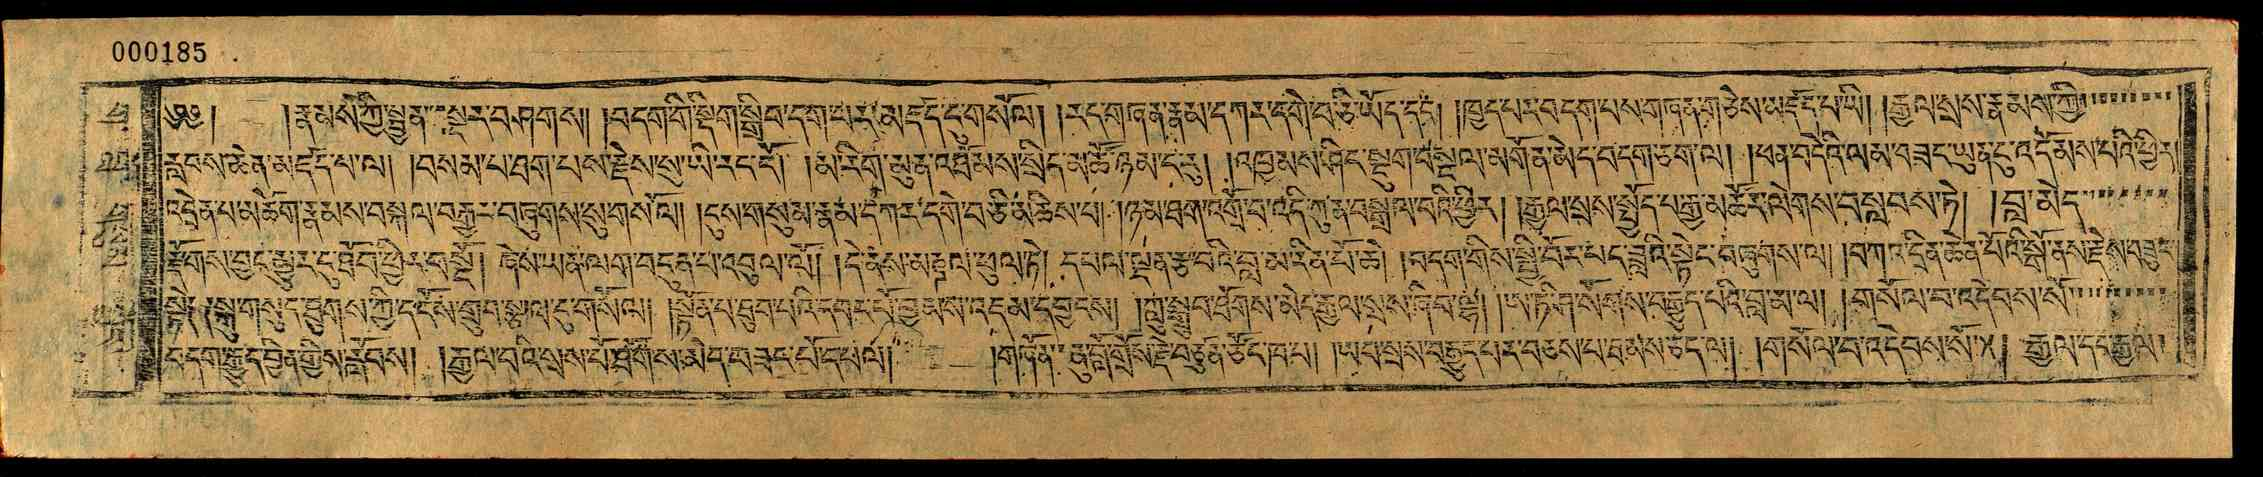༄༅། །རྣམས་ཀྱི་སྤྱན་སྔར་བཤགས། །བདག་གི་སྡིག་སྒྲིབ་དག་པར་མཛད་དུ་གསོལ། །རང་གཞན་རྣམ་དཀར་དགེ་བ་ཅི་ཡོད་དང་། །ཁྱད་པར་བདག་པས་གཞན་གཅེས་མཛད་པ་ཡི། །རྒྱལ་སྲས་རྣམས་ཀྱི་
རླབས་ཆེན་མཛད་པ་ལ། །བསམ་པ་ཐག་པས་རྗེས་སུ་ཡི་རང་ངོ། །མ་རིག་མུན་འཐོམས་སྲིད་མཚོ་ཉམ་ང་རུ། །འཁྱམས་ཤིང་སྡུག་བསྔལ་མགོན་མེད་བདག་ཅག་ལ། །ཕན་བདེའི་ལམ་བཟང་ཡུན་དུ་འདོམས་པའི་ཕྱིར།
འདྲེན་པ་མཆོག་རྣམས་བསྐལ་བརྒྱར་བཞུགས་སུ་གསོལ། །དུས་གསུམ་རྣམ་དཀར་དགེ་བ་ཅི་མཆིས་པ། །ཉམ་ཐག་འགྲོ་བ་འདི་ཀུན་བསྒྲལ་བའི་ཕྱིར། །རྒྱལ་སྲས་སྤྱོད་པ་རྒྱ་མཚོར་ལེགས་བསླབས་ཏེ། །བླ་མེད་
རྫོགས་བྱང་མྱུར་དུ་ཐོབ་ཕྱིར་བསྔོ། ཞེས་ཡན་ལག་བདུན་པ་འབུལ་ལོ། །དེ་ནས་མཎྜལ་ཕུལ་ཏེ། དཔལ་ལྡན་རྩ་བའི་བླ་མ་རིན་པོ་ཆེ། །བདག་གི་སྤྱི་བོར་པད་ཟླའི་སྟེང་བཞུགས་ལ། །བཀའ་དྲིན་ཆེན་པོའི་སྒོ་ནས་རྗེས་བཟུང་
སྟེ། །སྐུ་གསུང་ཐུགས་ཀྱི་དངོས་གྲུབ་སྩལ་དུ་གསོལ། །སྟོན་པ་ཐུབ་པའི་དབང་པོ་བྱམས་འཇམ་དབྱངས། །ཀླུ་སྒྲུབ་ཐོགས་མེད་རྒྱལ་སྲས་ཞི་བ་ལྷ། །ཨ་ཏི་ཤ་སོགས་བརྒྱུད་པའི་བླ་མ་ལ། །གསོལ་བ་འདེབས་སོ་
བདག་རྒྱུད་བྱིན་གྱིས་རློབས། །རྒྱལ་བའི་སྲས་པོ་ཐོགས་མེད་བཟང་པོ་དཔལ། །གཞོན་ནུ་བློ་གྲོས་རྗེ་བཙུན་ཙོང་ཁ་པ། །ཡབ་སྲས་བརྒྱུད་པར་བཅས་པ་ཐམས་ཅད་ལ། །གསོལ་བ་འདེབས་སོ་྾། རྒྱལ་དང་རྒྱལ་